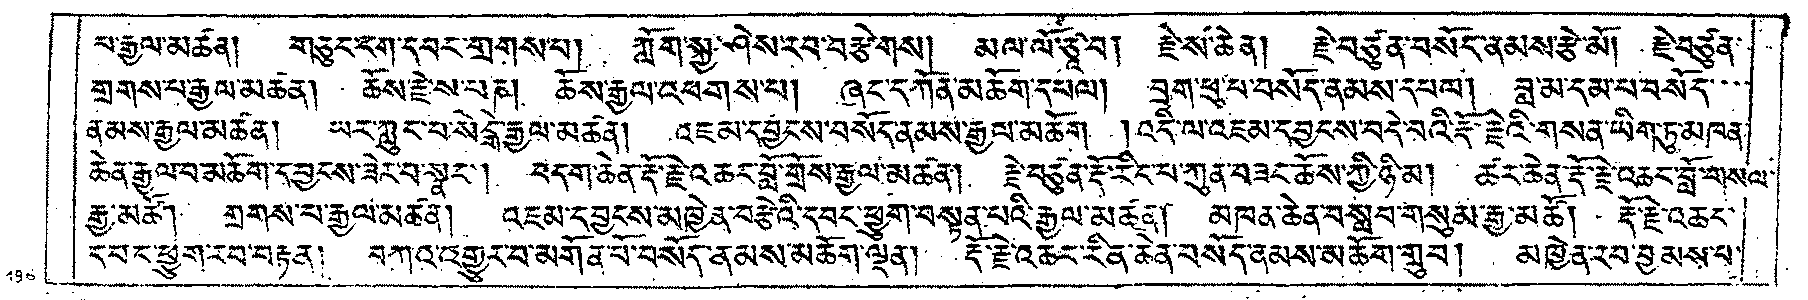པ་རྒྱལ་མཚན། གཅུང་ངག་དབང་གྲགས་པ། ཀློག་སྐྱ་ཤེས་རབ་བརྩེགས། མལ་ལོ་ཙཱ་བ། རྗེ་ས་ཆེན། རྗེ་བཙུན་བསོད་ནམས་རྩེ་མོ། རྗེ་བཙུན་
གྲགས་པ་རྒྱལ་མཚན། ཆོས་རྗེ་ས་པཎ། ཆོས་རྒྱལ་འཕགས་པ། ཞང་དཀོན་མཆོག་དཔལ། བྲག་ཕུ་པ་བསོད་ནམས་དཔལ། བླ་མ་དམ་པ་བསོད་
ནམས་རྒྱལ་མཚན། ཡར་ཀླུང་པ་སེངྒེ་རྒྱལ་མཚན། འཇམ་དབྱངས་བསོད་ནམས་རྒྱལ་མཆོག །འདི་ལ་འཇམ་དབྱངས་བདེ་བའི་རྡོ་རྗེའི་གསན་ཡིག་ཏུ་མཁན་
ཆེན་རྒྱལ་བ་མཆོག་དབྱངས་ཟེར་བ་སྣང་། བདག་ཆེན་རྡོ་རྗེ་འཆང་བློ་གྲོས་རྒྱལ་མཚན། རྗེ་བཙུན་རྡོ་རིང་པ་ཀུན་བཟང་ཆོས་ཀྱི་ཉི་མ། ཚར་ཆེན་རྡོ་རྗེ་འཆང་བློ་གསལ་
རྒྱ་མཚོ། གྲགས་པ་རྒྱལ་མཚན། འཇམ་དབྱངས་མཁྱེན་བརྩེའི་དབང་ཕྱུག་བསྟན་པའི་རྒྱལ་མཚན། མཁན་ཆེན་བསླབ་གསུམ་རྒྱ་མཚོ། རྡོ་རྗེ་འཆང་
དབང་ཕྱུག་རབ་བརྟན། བཀའ་འགྱུར་བ་མགོན་པོ་བསོད་ནམས་མཆོག་ལྡན། རྡོ་རྗེ་འཆང་རིན་ཆེན་བསོད་ནམས་མཆོག་གྲུབ། མཁྱེན་རབ་བྱམས་པ་